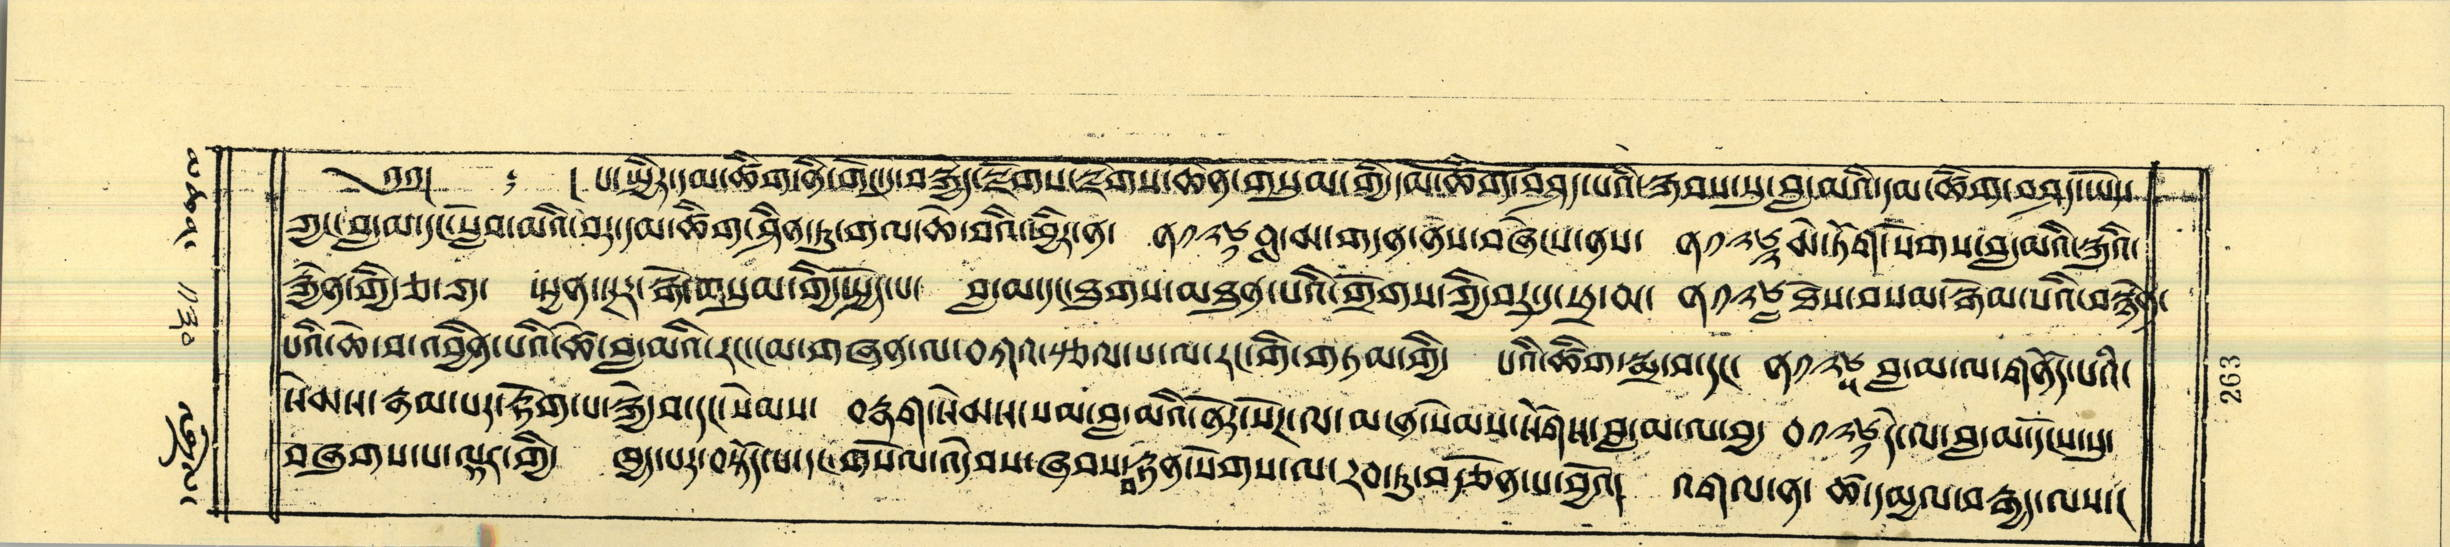༼པ་༽སྤྱིར་དམ་ཚིག་ནི་གོང་དུ་བསྐྱེད་སྫོགས་སྫོགས་ཆེན་གསུམ་གྱི་དམ་ཚིག་བཤད་པའི་སྐབས་སུ་བླ་མའི་དམ་ཚིག་བཤད་ཡོད་
ཀྱང་བླ་མ་དང་སློབ་མའི་བར་དམ་ཚིག་ཤིན་ཏུ་གལ་ཆེ་བའི་ཕྱིར་ན་ན༡༢༦།༡ ༼བླ་མ་༽གདན་ནས་བཞེངས་ནས་ན༡༢༦།༢ ༼མེ་ཏོག་༽སོགས་བླ་མའི་སྐུའི་
རྐྱེན་གྱི་ཅ་ཀ། ༼སྤྱན་སྔར་༽སྒོ་གསུམ་གྱི་སྤྱོད་པ། བླ་མ་དང་ཐུགས་མཐུན་པའི་གྲོགས་ཀྱི་བར་དུ་ ༼ཕྲ་མ་༽ན༡༢༦།༤ ཐོས་བསམ་སྒོམ་པའི་བསྙེན་
པའི་ཆེ་བ་འབྱིན་པའི་ཚེ་བླ་མའི་རང་ངམ་གཞན་ལ་ ༼བཀའ་སྩལ་༽པ་ལ་རང་གི་གཏམ་གྱི། པའི་ཚིག་སྨྲ་བ་ ༼དང་༽ན༡༢༦།༥ བླ་མ་ལ་ ༼གནོད་པའི་
སེམས་༽རྣམ་པར་རྟོག་པ་སྐྱེ་བ་དང་སེམས། ༼བརྣག་སེམས་༽སམ་བླ་མའི་ནོར་སོགས་ ༼ལ་༽མངན་སེམས་ ༼སོགས་༽བླ་མ་ལ་བྱ། བ༡༢༦།༡ ༼དེ་ལ་༽བླ་མ་དངོས་སུ་
བཞུགས་པ་ལྟར་གྱི། ཁྱད་པར་ ༼བསྟོད་༽པ་དང་གསོལ་འདེབས་ཞབས་བརྟེན་སོགས་ལ་ ༼རབ་ཏུ་༽བརྩོན་པ་བྱའོ། ༼འགལ་ན་༽ཚ་དམྱལ་བརྒྱད་ལས།